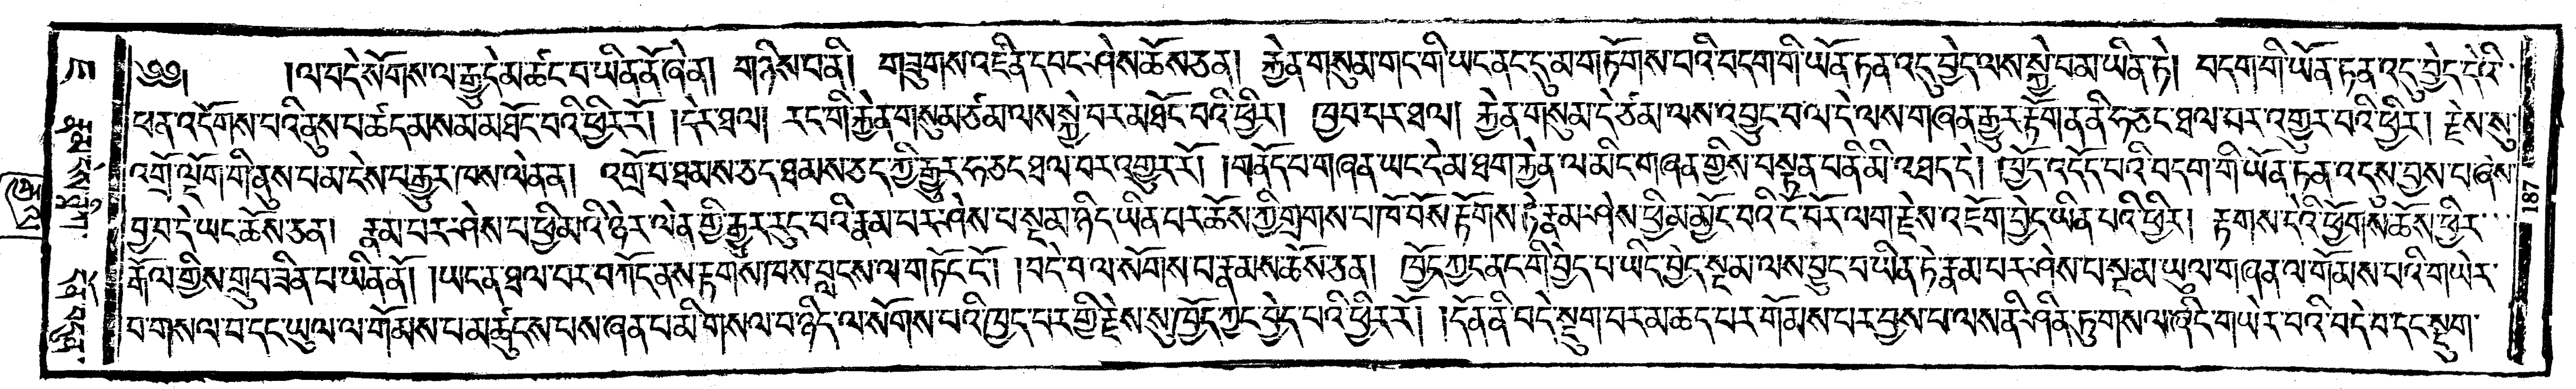༄༅། །ལ་བདེ་སོགས་ལ་རྒྱུ་དེ་མ་ཚང་བ་ཡིན་ནོ་ཞེ་ན། གཉིས་པ་ནི། གཟུགས་འཛིན་དབང་ཤེས་ཆོས་ཅན། རྐྱེན་གསུམ་གང་གི་ཡང་ནང་དུ་མ་གཏོགས་པའི་བདག་གི་ཡོན་ཏན་འདུ་བྱེད་ལས་སྐྱེ་བ་མ་ཡིན་ཏེ། བདག་གི་ཡོན་ཏན་འདུ་བྱེད་དེའི་
ཕན་འདོགས་པའི་ནུས་པ་ཚད་མས་མ་མཐོང་བའི་ཕྱིར་རོ། །དེར་ཐལ། རང་གི་རྐྱེན་གསུམ་ཙམ་ལས་སྐྱེ་བར་མཐོང་བའི་ཕྱིར། ཁྱབ་པར་ཐལ། རྐྱེན་གསུམ་དེ་ཙམ་ལས་འབྱུང་བ་ལ་དེ་ལས་གཞན་རྒྱུར་རྟོག་ན་ནི་ཧ་ཅང་ཐལ་བར་འགྱུར་བའི་ཕྱིར། རྗེས་སུ་
འགྲོ་ལྡོག་གི་ནུས་པ་མ་ངེས་པ་རྒྱུར་ཁས་ལེན་ན། འགྲོ་བ་ཐམས་ཅད་ཐམས་ཅད་ཀྱི་རྒྱུར་ཧ་ཅང་ཐལ་བར་འགྱུར་རོ། །གནོད་པ་གཞན་ཡང་དེ་མ་ཐག་རྐྱེན་ལ་མིང་གཞན་གྱིས་བསྟན་པ་ནི་མི་འཐད་དེ། ཁྱོད་འདོད་པའི་བདག་གི་ཡོན་ཏན་འདུས་བྱས་པ་ཞེས་
བྱ་བ་དེ་ཡང་ཆོས་ཅན། རྣམ་པར་ཤེས་པ་ཕྱི་མའི་ཉེར་ལེན་གྱི་རྒྱུར་རུང་བའི་རྣམ་པར་ཤེས་པ་སྔ་མ་ཉིད་ཡིན་པར་ཆོས་ཀྱི་གྲགས་པ་ཁོ་བོས་རྟོགས་ཏེ་རྣམ་ཤེས་ཕྱི་མ་མྱོང་བའི་ངོ་བོར་ལག་རྗེས་འཇོག་བྱེད་ཡིན་པའི་ཕྱིར། རྟགས་དེའི་ཕྱོགས་ཆོས་ཕྱིར་
རྒོལ་གྱིས་གྲུབ་ཟིན་པ་ཡིན་ནོ། །ཡང་ན་ཐལ་བར་བཀོད་ནས་རྟགས་ཁས་བླངས་ལ་གཏོང་ངོ། །བདེ་བ་ལ་སོགས་པ་རྣམས་ཆོས་ཅན། ཁྱོད་ཀྱང་ནང་གི་བྱེད་པ་ཡིད་བྱེད་སྔ་མ་ལས་བྱུང་བ་ཡིན་ཏེ་རྣམ་པར་ཤེས་པ་སྔ་མ་ཡུལ་གཞན་ལ་གོམས་པའི་གཡེར་
བ་གསལ་བ་དང་ཡུལ་ལ་གོམས་པ་མཚུངས་པས་ཞན་པ་མི་གསལ་བ་ཉིད་ལ་སོགས་པའི་ཁྱད་པར་གྱི་རྗེས་སུ་ཁྱོད་ཀྱང་བྱེད་པའི་ཕྱིར་རོ། །དོན་ནི་བདེ་སྡུག་བར་མ་ཆད་པར་གོམས་པར་བྱས་པ་ལས་ནི་ཤིན་ཏུ་གསལ་ཞིང་གཡེར་བའི་བདེ་བ་དང་སྡུག་